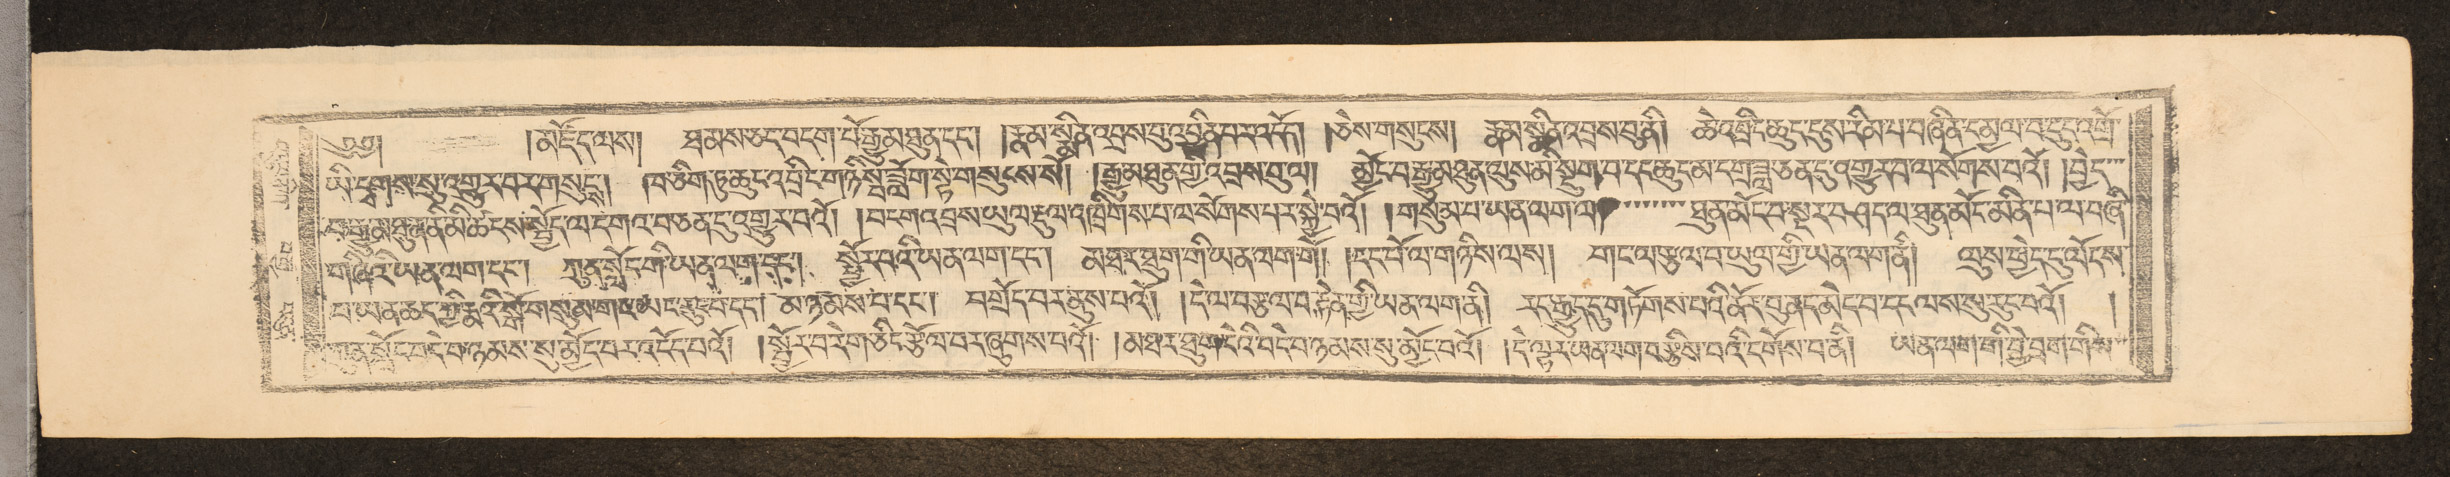༄༅། །མཛོད་ལས། ཐམས་ཅད་བདག་པོ་རྒྱུ་མཐུན་དང་། །རྣམ་སྨིན་འབྲས་བུ་འབྱིན་པར་འདོད། །ཅེས་གསུངས། རྣམ་སྨིན་འབྲས་བུ་ནི། ཆེ་འབྲིང་ཆུང་དུས་རིམ་པ་བཞིན་དམྱལ་བ་དུད་འགྲོ་
ཡི་དྭགས་སུ་འགྱུར་བར་གསུངས། ཁ་ཅིག་ཏུ་ཆུང་འབྲིང་གཉིས་ཟློག་སྟེ་གསུངས་སོ། །རྒྱུ་མཐུན་གྱི་འབྲས་བུ་ལ། མྱོང་བ་རྒྱུ་མཐུན་ལུས་མི་སྡུག་པ་དང་ཆུང་མ་དགྲ་ཟླ་ཅན་དུ་འགྱུར་བ་ལ་སོགས་པའོ། །བྱེད་
བ་རྒྱུ་མཐུན་ནི་མི་ཚངས་སྦྱོད་ལ་དགའ་བ་ཅན་དུ་འགྱུར་བའོ། །བདག་འབྲས་ཡུལ་རྡུལ་འཁྲིགས་པ་ལ་སོགས་པར་སྐྱེ་བའོ། །གསུམ་པ་ཡན་ལག་ལ། ཐུན་མོང་བ་སྔར་བཤད་ལ་ཐུན་མོང་མིན་པ་ལ་བཞི་
གཞིའི་ཡན་ལག་དང་། ཀུན་སློང་གི་ཡན་ལག་དང་། སྦྱོར་བའི་ཡན་ལག་དང་། མཐར་ཐུག་གི་ཡན་ལག་གོ། །དང་པོ་ལ་གཉིས་ལས། གང་ལ་རྩལ་བ་ཡུལ་གྱི་ཡན་ལག་ནི། ལུས་ཕྱེད་དུ་ལོངས་
པ་ཡན་ཆད་ཀྱི་རྨའི་སྒོ་གསུམ་གང་ཡང་རུང་བ་དང་། མ་ཉམས་པ་དང་། བགྲོད་པར་ནུས་པའོ། །དེ་ལ་བརྩལ་བ་རྟེན་གྱི་ཡན་ལག་ནི། རང་རྒྱུད་དུ་གཏོགས་པའི་ནོར་བུ་ནད་མེད་པ་དང་ལས་སུ་རུང་བའོ། །
ཀུན་སློང་བདེ་བ་ཉམས་སུ་མྱོང་བར་འདོད་པའོ། །སྦྱོར་བ་རེག་ཅིང་རྩོལ་བར་ཞུགས་པའོ། །མཐར་ཐུག་དེའི་བདེ་བ་ཉམས་སུ་མྱོང་བའོ། །དེ་ལྟར་ཡན་ལག་བརྩིས་པའི་དགོས་པ་ནི། ཡན་ལག་གི་བྱེ་བྲག་གིས་